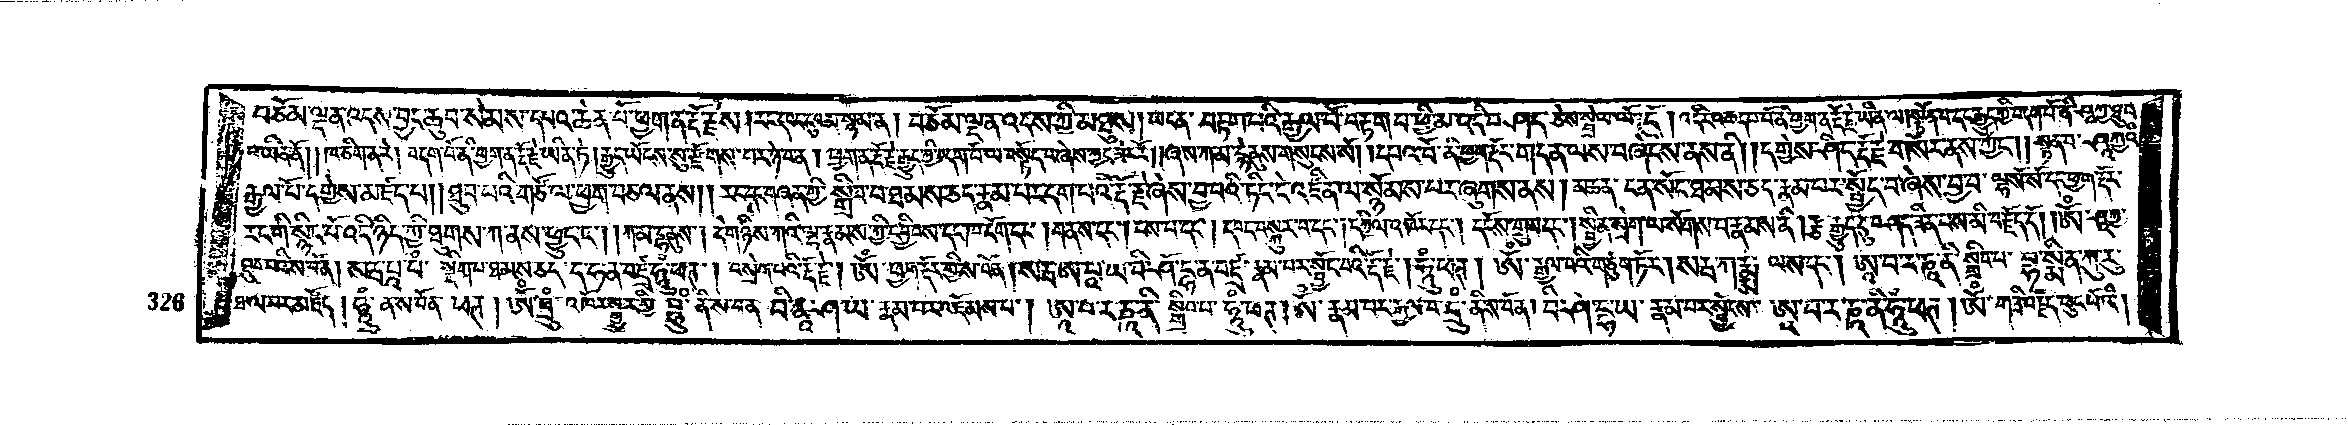བཅོམ་ལྡན་འདས་བྱང་ཆུབ་སེམས་དཔའ་ཆེན་པོ་ཕྱག་ན་རྡོ་རྗེས། རང་དབང་དུའམ་སྙམ་ན།  བཅོམ་ལྡན་འདས་ཀྱི་མཐུས། ཡང་ན་བརྟག་པའི་རྒྱལ་པོ་བརྟག་པ་ཕྱི་མ་འདི་བཤད་ཅེས་སྦྲེལ་ལོ་དོ། འདིར་འཆད་པ་པོ་ནི་ཕྱག་ན་རྡོ་རྗེ་ཡིན་ལ། སྟོན་པ་དང་རྒྱུད་ཀྱི་བདག་པོ་ནི་ཤཱཀྱ་ཐུབ་
པ་ཡིན་ནོ། །ཁ་ཅིག་ན་རེ། བདག་པོ་ནི་ཕྱག་ན་རྡོ་རྗེ་ཡིན་ཏེ། རྒྱུད་ཡོངས་སུ་རྫོགས་པར་ཉེ་བ་ན། ཕྱག་ན་རྡོ་རྗེ་རྒྱུད་ཀྱི་བདག་པོ་ལ་བསྟོད་པ་ཞེས་ཀྱང་ཟེར་རོ། །ཞེས་ཀ་མ་དྷེ་ནུས་གསུངས་སོ། །དཔའ་བོ་ནི་ཕྱག་རྡོར་གདན་ལས་བཞེངས་ནས་ནི། །དགྱེས་ཤིད་རྡོ་རྗེ་གསོར་ནས་ཀྱང་། །སྟན་པ་ཤཱཀྱའི་
རྒྱལ་པོ་དགྱེས་མཛད་པ། །ཐུབ་པའི་གཙོ་ལ་ཕྱག་བཙལ་ནས། །རང་དང་གཞན་གྱི་སྒྲིབ་པ་ཐམས་ཅད་རྣམ་པར་དག་པའི་རྡོ་རྗེ་ཞེས་བྱ་བའི་ཏིང་ངེ་འཛིན་ལ་སྙོམས་པར་ཞུགས་ནས། མཚན་ངན་སོང་ཐམས་ཅད་རྣམ་པར་སྤྱོད་པ་ཞེས་བྱ་བ་ལྷ་སོ་སོ་དང་ཕྱག་རྡོར
རང་གི་སྙིང་པོ་འདི་ཉིད་ཀྱི་ཐུགས་ཀ་ནས་ཕྱུང་ངོ། །ཀ་མ་དྷ་ནུས། དེ་གཉིས་ཀའི་ལྷ་རྣམས་ཀྱི་དབྱིབས་དང་ཁ་དོག་དང་། གནས་དང་། ངེས་པ་དང་། དབང་བསྐུར་བ་དང་། དཀྱིལ་འཁོར་དང་། དངོས་གྲུབ་དང་། སྦྱིན་སྲེག་ལ་སོགས་པ་རྣམས་ནི། རྩ་རྒྱུད་དུ་བཤད་ཟིན་པས་མི་བརྗོད་དོ།  །ཨོཾ་ཤཱཀྱ་
ཐུབ་པའི་ས་བོན། སརྦ་པཱ་པཾ་སྡིག་པ་ཐམས་ཅད་ད་ཧ་ན་བཛྲ་ཧཱུཾ་ཕཊ། བསྲེག་པའི་རྡོ་རྗེ།  ཨོཾ་ཕྱག་རྡོར་གྱི་ས་བོན།  སརྦ་ཨ་པཱ་ཡ་བི་ཤོ་དྷ་ན་བཛྲ་རྣམ་པར་སྦྱོང་བའི་རྡོ་རྗེ།  ཧཱུཾ་ཕཊ། ཨོཾ་རྒྱལ་བའི་གཙུག་ཏོར།  སརྦ་ཀརྨྨ་ལས་དང་།  ཨཱ་བ་ར་ཎཱ་ནི་སྒྲིབ་པ་བྷ་སྨིན་ཀུ་རུ་
ཐལ་བར་མཛོད་།ཧཱུཾ་ནི་ས་བོན་ཕཊ། ཨོཾ་བྲུཾ་འཁོར་སྒྱུར་གྱི་བྷུཾ་ནི་ས་བོན་བི་ནཱ་ཤ་ཡ་རྣམ་པར་འཇོམས་པ།  ཨཱ་པ་ར་ཎཱ་ནི་སྒྲིབ་པ་ཧཱུཾ་ཕཊ། ཨོཾ་རྣམ་པར་རྒྱལ་བ་དྲུཾ་ནི་ས་བོན།  བི་ཤེ་དྷ་ཡ་རྣམ་པར་སྦྱོང་ཨཱ་བ་ར་ཎཱ་ནི་ཧཱུཾ་ཕཊ། ཨོཾ་གཟི་བརྗིད་ཕུང་པོའི།